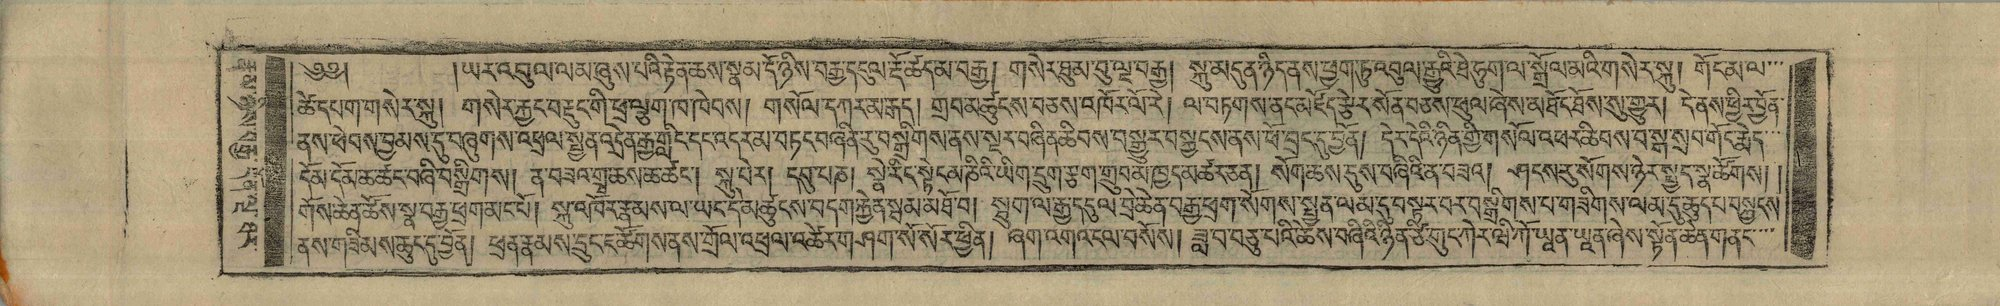༄༅། །ཡར་འབུལ་ལམ་ཞུས་པའི་རྟེན་ཆས་སྣམ་དོ་ཉིས་བརྒྱ་དངུལ་རྡོ་ཚད་མ་བརྒྱ། གསེར་ཐུམ་བུ་ལྔ་བརྒྱ། སྐུ་མདུན་ཉིད་ནས་ཕྱག་ཏུ་འབུལ་རྒྱུའི་ཐེ་ཧུག་ལ་སྒྲོལ་མའི་གསེར་སྐུ། གོང་མ་ལ་
ཚེ་དཔག་གསེར་སྐུ། གསེར་རྐྱང་བརྡུང་གི་ཕྲ་ལྕག་ཁ་ཁེབས། གསོལ་དཀར་མ་རྒད། གྲབ་མཚུངས་བཅས་འཁོར་ལོ་རེ། ལ་བཏགས་ནང་མཛོད་རྩེར་སོན་བཅས་ཕུལ་ཞེས་མཐོང་ཐོས་སུ་གྱུར། དེ་ནས་ཕྱིར་བྱོན་
ནས་ཕེབས་བྱམས་དུ་བཞུགས་འཕྲལ་སྤྱན་འདྲེན་རྒྱ་གླིང་དང་འདར་མ་བཏང་བཞིན་དུ་བསྒྲིགས་ནས་སྔར་བཞིན་ཆིབས་བསྒྱུར་བསྐྱངས་ནས་ཕོ་བྲང་དུ་བྱོན། དེར་དེའི་ཉིན་གྱི་གསོལ་འཕར་ཆིབས་བ་སྒ་སྲབ་གོང་རྨེད་
དོམ་དོམ་ཆ་ཚང་བཞི་བསྒྲིགས། ན་བཟའ་གྲྭ་ཆས་ཆ་ཚང་། སྐུ་པེར། དབུ་པཎ། སྣེ་རིང་སྟེང་མ་ཎིའི་ཡིག་དྲུག་རྩག་གྲུབ་མ་ཁྱད་མཚར་ཅན། སོག་ཆས་དུས་བཞིའི་ན་བཟའ། ཤངས་རུ་སོགས་ཉེར་སྤྱད་སྣ་ཚོགས། །
གོས་ཆེན་ཚོས་སྣ་བརྒྱ་ཕྲག་མང་པོ། སྐུ་འཁོར་རྣམས་ལ་ཡང་དེ་མཚུངས་བདག་རྐྱེན་སྦམ་མཐོ་བ། སྦུག་ལ་རྒྱ་དངུལ་བྲེ་ཆེན་བརྒྱ་ཕྲག་སོགས་སྤྱན་ལམ་དུ་བསྟར་བར་བསྒྲིགས་པ་གཟིགས་ལམ་དུ་ཆུད་པ་བསྐྱངས་
ནས་གཟིམས་ཆུང་དུ་བྱོན། ཕྲན་རྣམས་དྲུང་ཇ་ཚོགས་ནས་གྲོལ་འཕྲལ་འཚེར་གཤག་སོ་སོར་ཕྱིན། ཞག་འགའ་ངལ་བསོས། ཟླ་བ་བཅུ་པའི་ཚེས་བཞིའི་ཉིན་ཙི་གུང་ཀེར་ཝི་ཀོ་ཡཱན་ཡཱན་ཞེས་སྟོན་ཆེན་གནང་